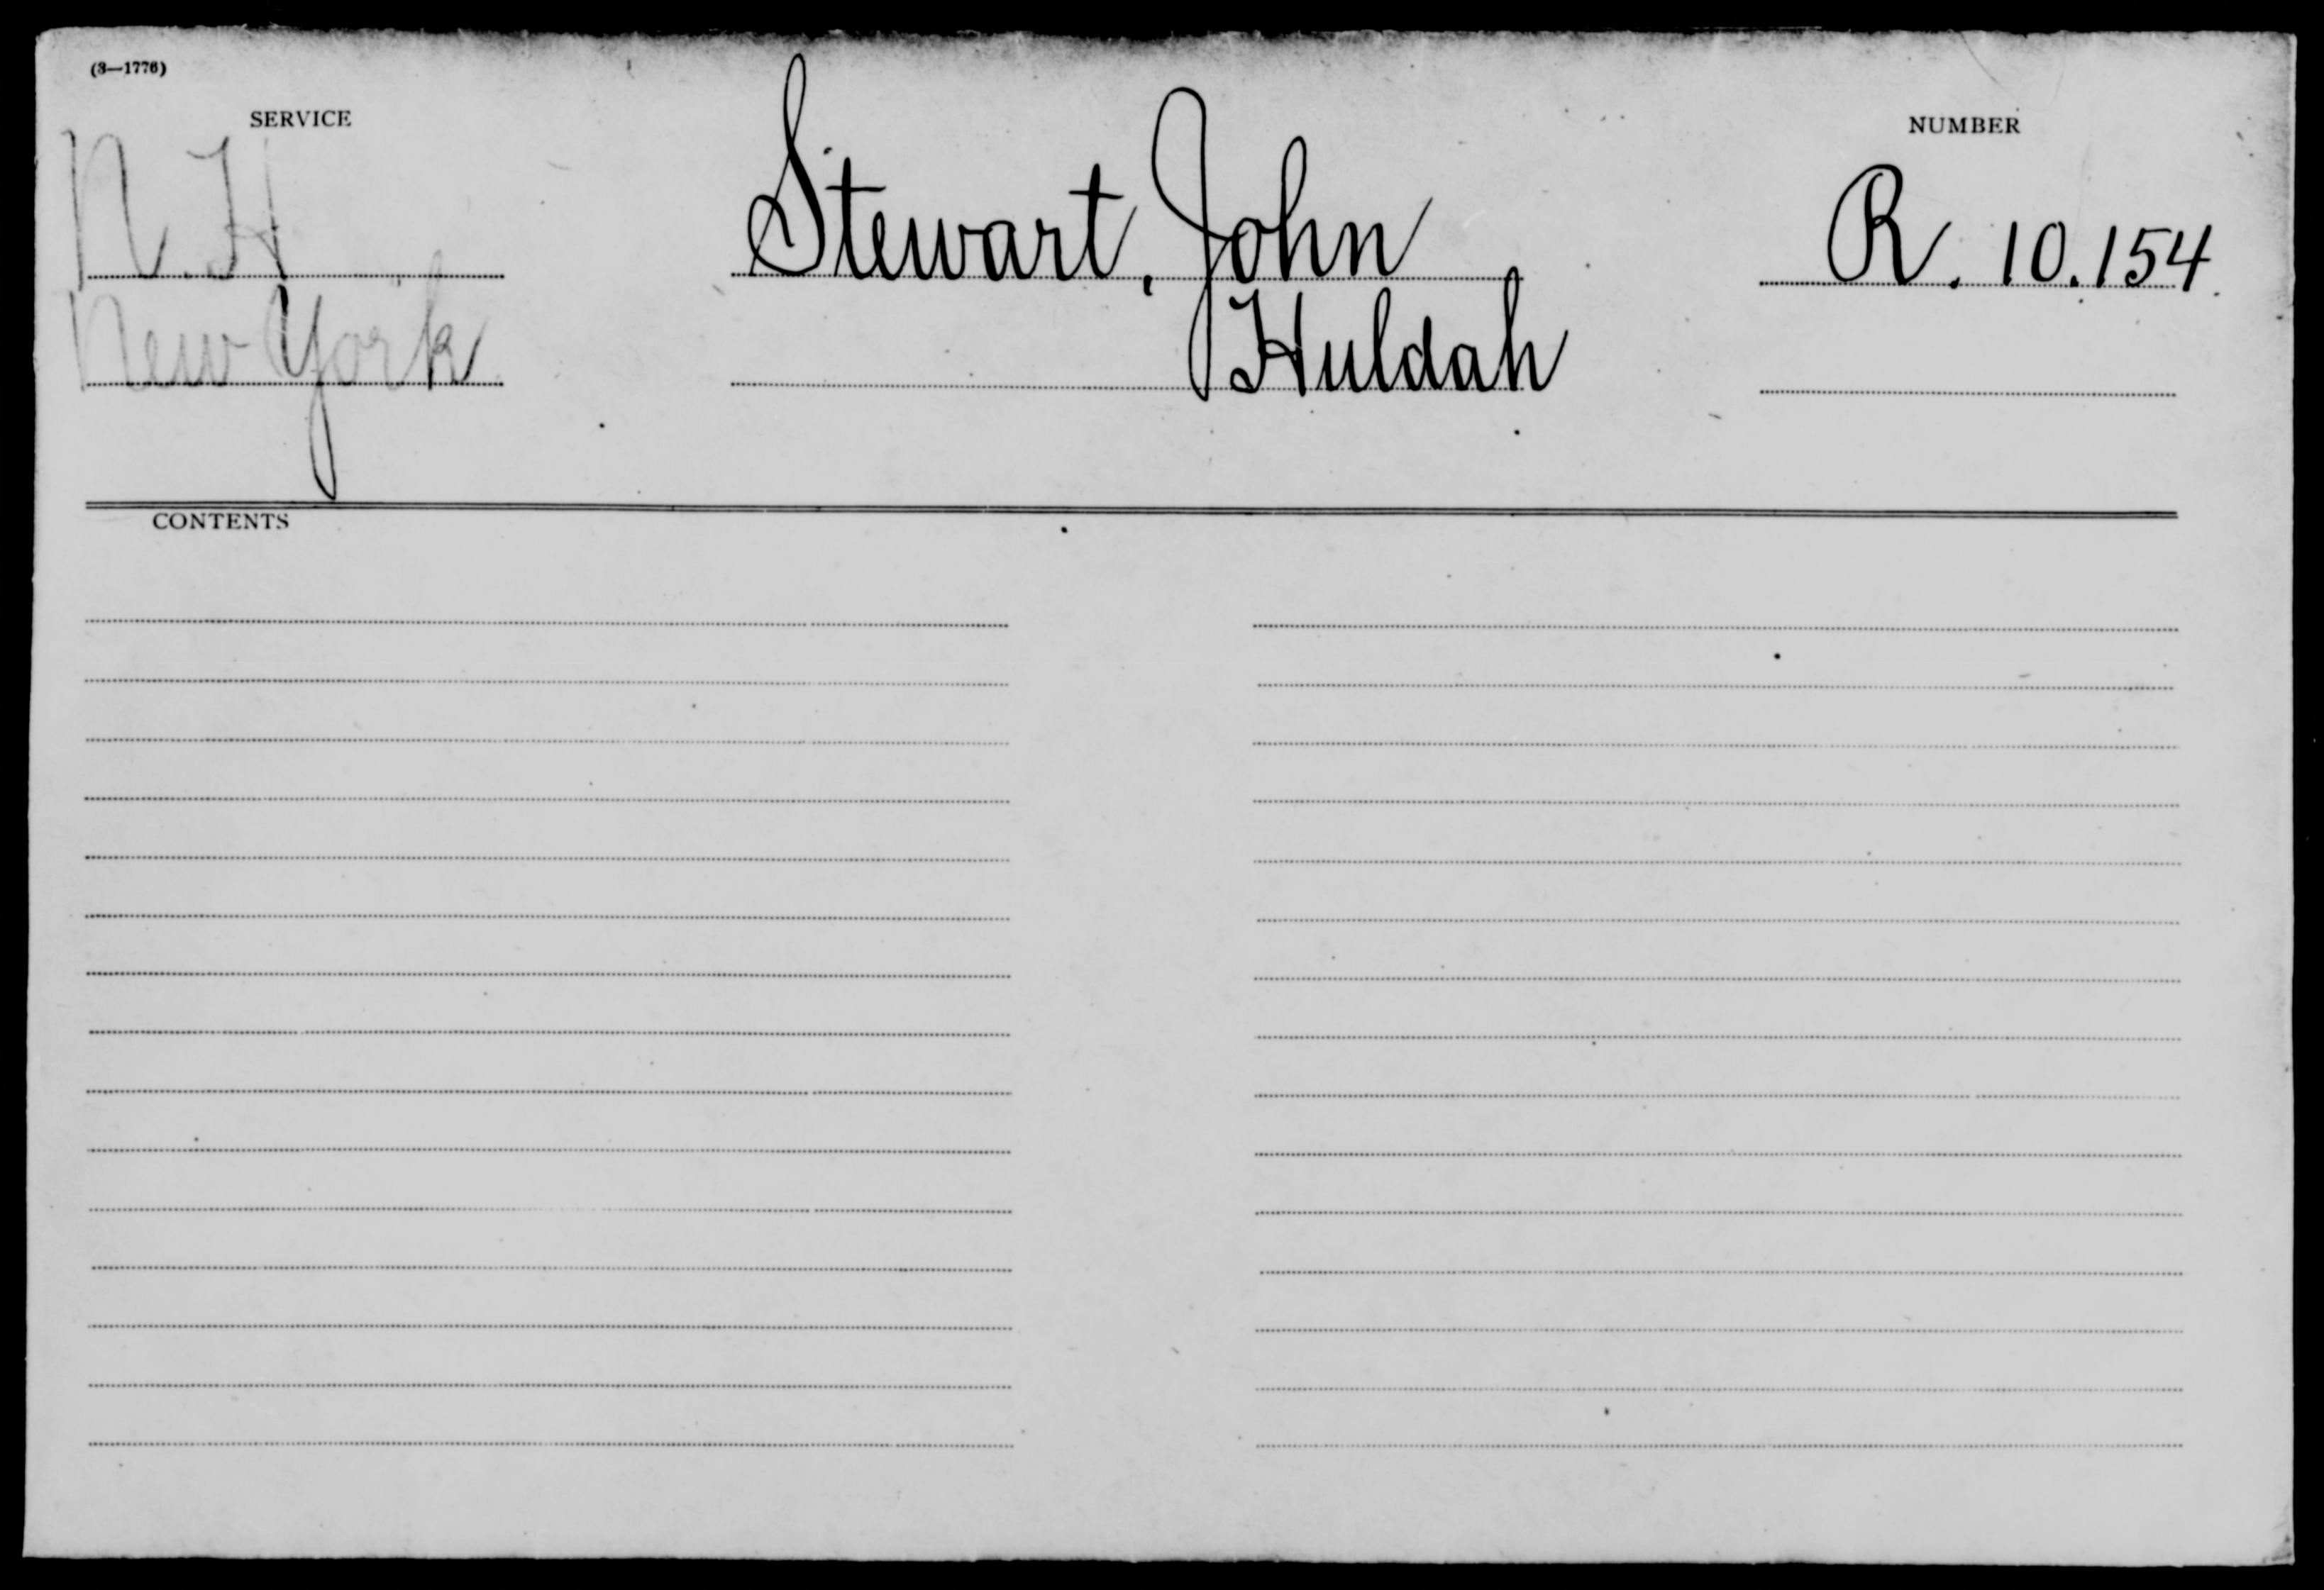(3-1776) SERVICE NH New York Stewart, John Huldah NUMBER R.10.154 CONTENTS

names: [BLANK]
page: 1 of 26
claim: rejected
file: R. 10,154, for John Stewart, New Hampshire